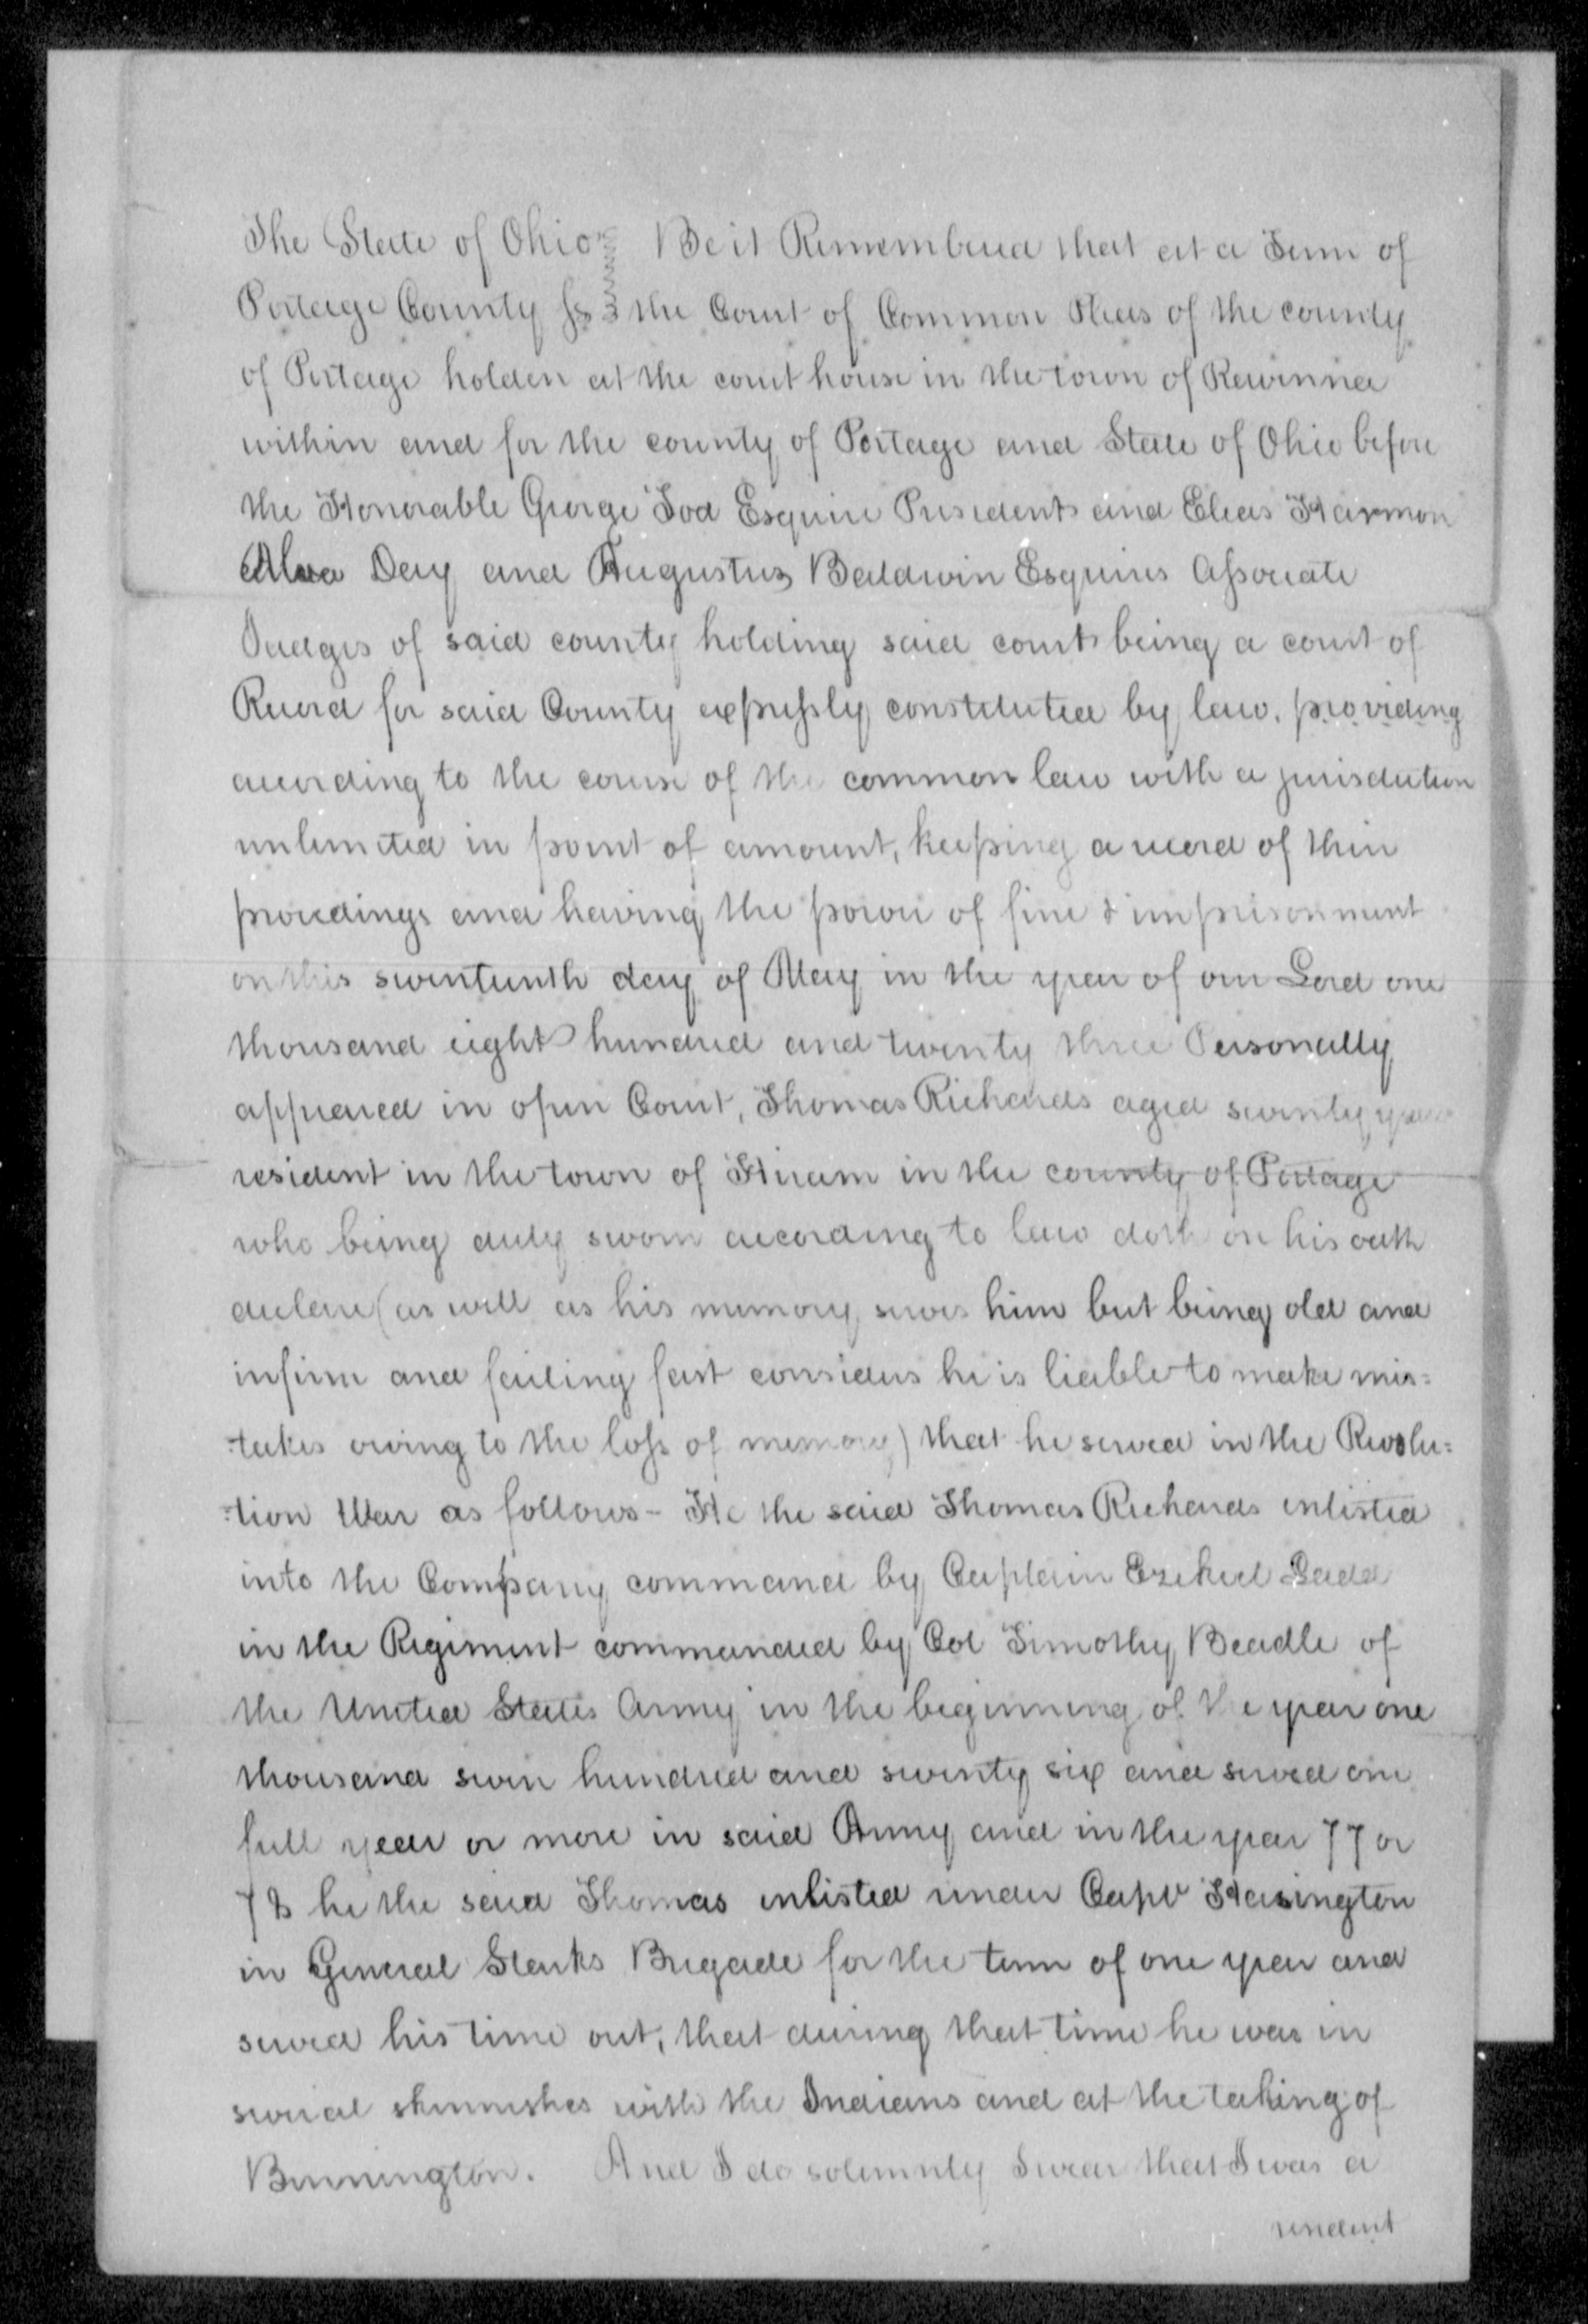The State of Ohio Portage Count Ss} Be it Remembered that at a Term of the Court of Common Pleas of the county of Portage holden at the court house in the town of Rewinna {RAVENNA] within and for the County of Portage and State of Ohio before the Honorable George Tod Esquire President and Elias Harmon Alva Day and Augustus Baldwin Esquires associate Judges of said County holding said court being a court of Record for said County expressly constituted by law providing according to the cause of the common law with a jurisdiction unlimited in point of amount, keeping a record of their
procedings [PROCEEDINGS] and having the power of fine & imprisonment on this seventeenth day of May in the year of our Lord one thousand eight hundred and twenty three Personally appeared in open Court, Thomas Richards aged seventy years resident in the town of Hiram in the County of Pottage
who being duly sworn according to law doth on his oath declare (as well as his memory serves him but being old and infirm and failing fast considers he is liable to make mistakes
owing to the loss of memory), that he served in the Revolution War as follows- He the said Thomas Richards enlisted into the Company command by Captain Ezekiel Ladd in the Regiment commanded by Col [COLONEL] Timothy Beadle of the United States Army in the beginning of the year one thousand seven hundred and seventy six and served one
full year or more in said Army and in the year [17]77 or [17]78 he the said Thomas enlisted under Capt [CAPTAIN] Harrington
in General Starks [sic] Brigade for the term of one year and served his time out, that during that time he was in several skirmishes with the Indians and at the taking of Bennington.
And I do solemnly swear that I was a
[illegible]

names: [BLANK] Hasington; Alva Day; Thomas [BLANK]; Augustus Baldwin; Ezekiel Ladd; Elias Harmon; Thomas Richards; George God; Timothy Beadle; Thomas Richards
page: 33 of 109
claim: widow's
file: W. 5709, for Thomas Richards, New Hampshire